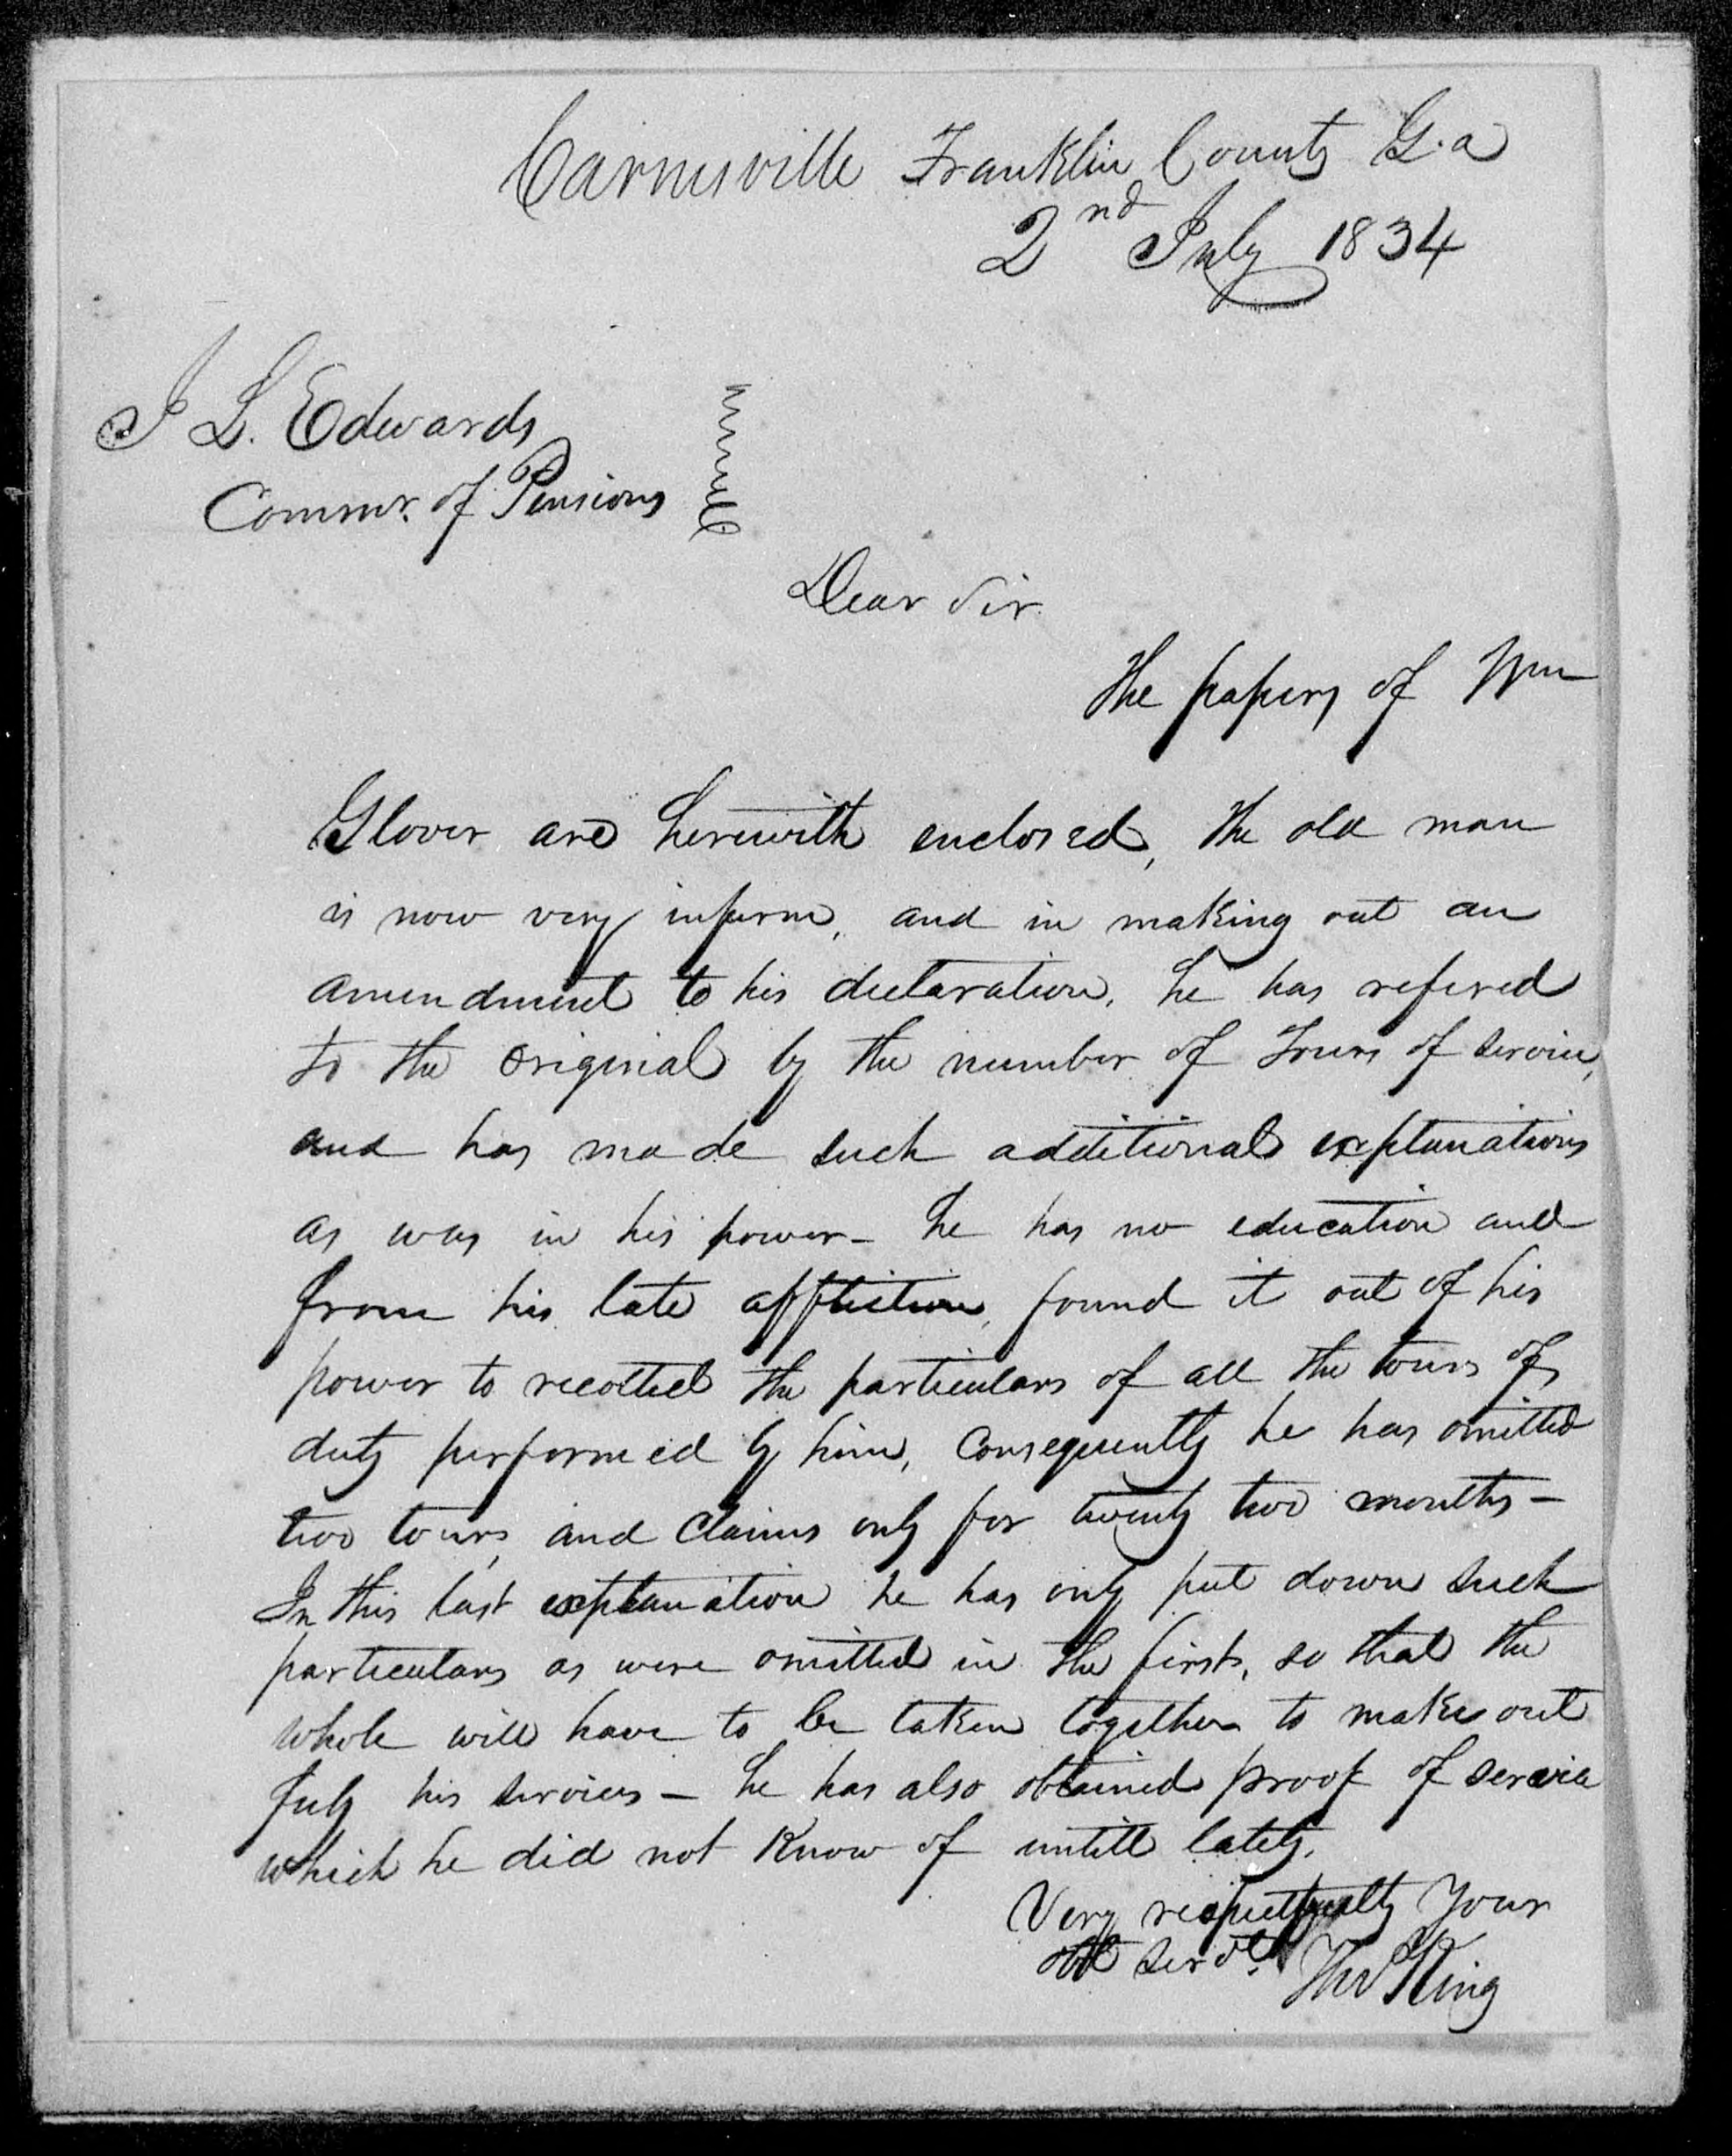Carnesville Franklin County G.a
2nd July 1834

JL Edwards}
Commissioner of Pensions}

Dear Sir

The papers of Mr. 
Glover are herewith enclosed the old man is now very inform and in making out an amendment to his declaration, he has refered to the original by the number of Tories of service and has made such additional explanations as way in his sworn-he has no education and from his late afflictions found it out of his power to recollect the particulars of all the tours of duty performed by him, consequently he has omitted two tours and claims only for twenty two months-
In this last explanation he has only put down such particulars as were omitted in the first so that the whole will have to be taken together to make out July his services-he has also obtained proof of services which he did not know of until lately, 

Very respectfully your 
obd servant 

Thos King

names: Thos King, J L Edwards, Wm Glover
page: 24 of 51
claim: widow's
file: W. 929, William Glover, N.C.